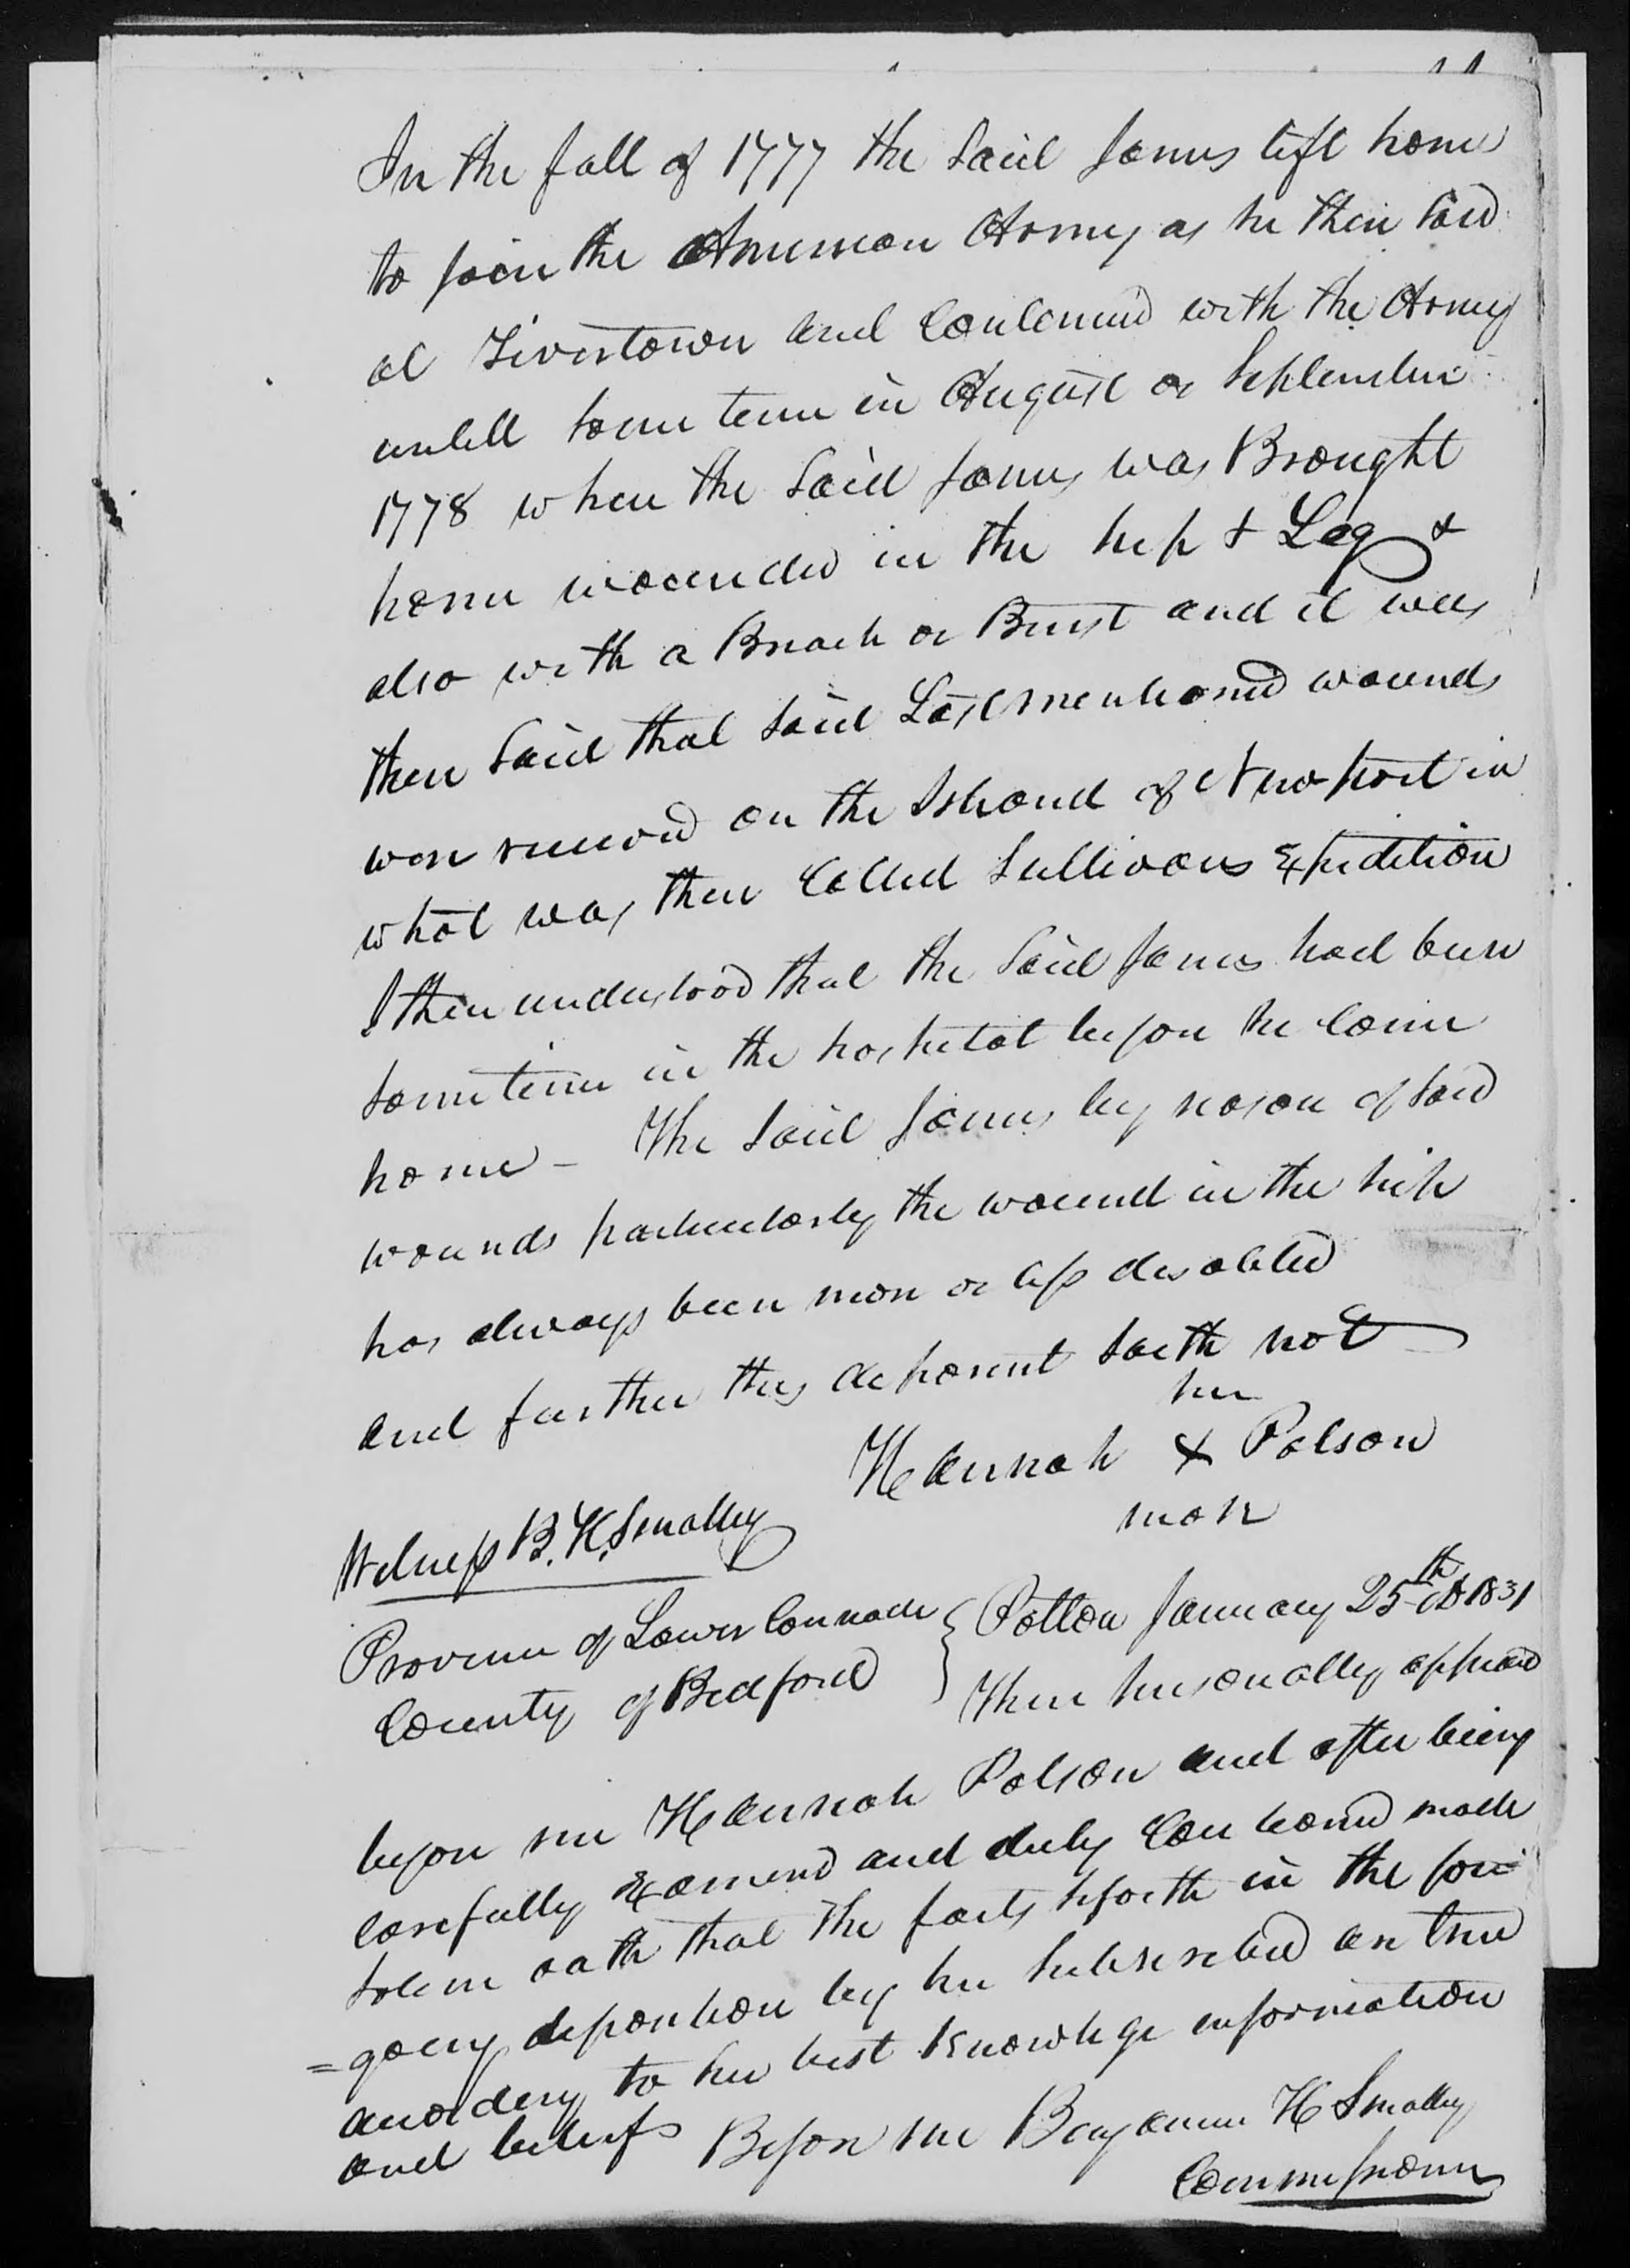In the fall of 1777 the said James left home to join the American Army as he then [illegible] at Livertown and continued with the Army untill [sic] some time in August or September 1778 when the said James was brought home wounded in the hip & leg & also with a brach or burst and it  was then said that said mentioned wounds was received on the Island of Newport in what was then called Sullivans Expedtion I then understood that the said James had been sometime in the hospital before he came home. The said James by [illegible] of said wounds [illegible] the wound in the hip has always been more or [illegible disabled and further they deponent saith not 
Hannah her mark Polson [signature]

[illegible] B. H. Smalley
[underscore]
Province of Lower Conmade
County of Bedford

Potton January 25th AD 1831
There personally appeared before me Hannah Polson and after being carefully examined and duly [illegible] made solemn oath that the facts beforth in the [illegible] depondent by his subscribed on this according to his best knowledge information and beliefs.
Befon the Benjamin H Smalley
Commissioner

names: Benjamin H Smalley, B H Smalley, Hannah Polson, Hannah Polson, James Tift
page: 6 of 100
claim: survivor's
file: S 19186, James Austin, Conn. New York R.I.